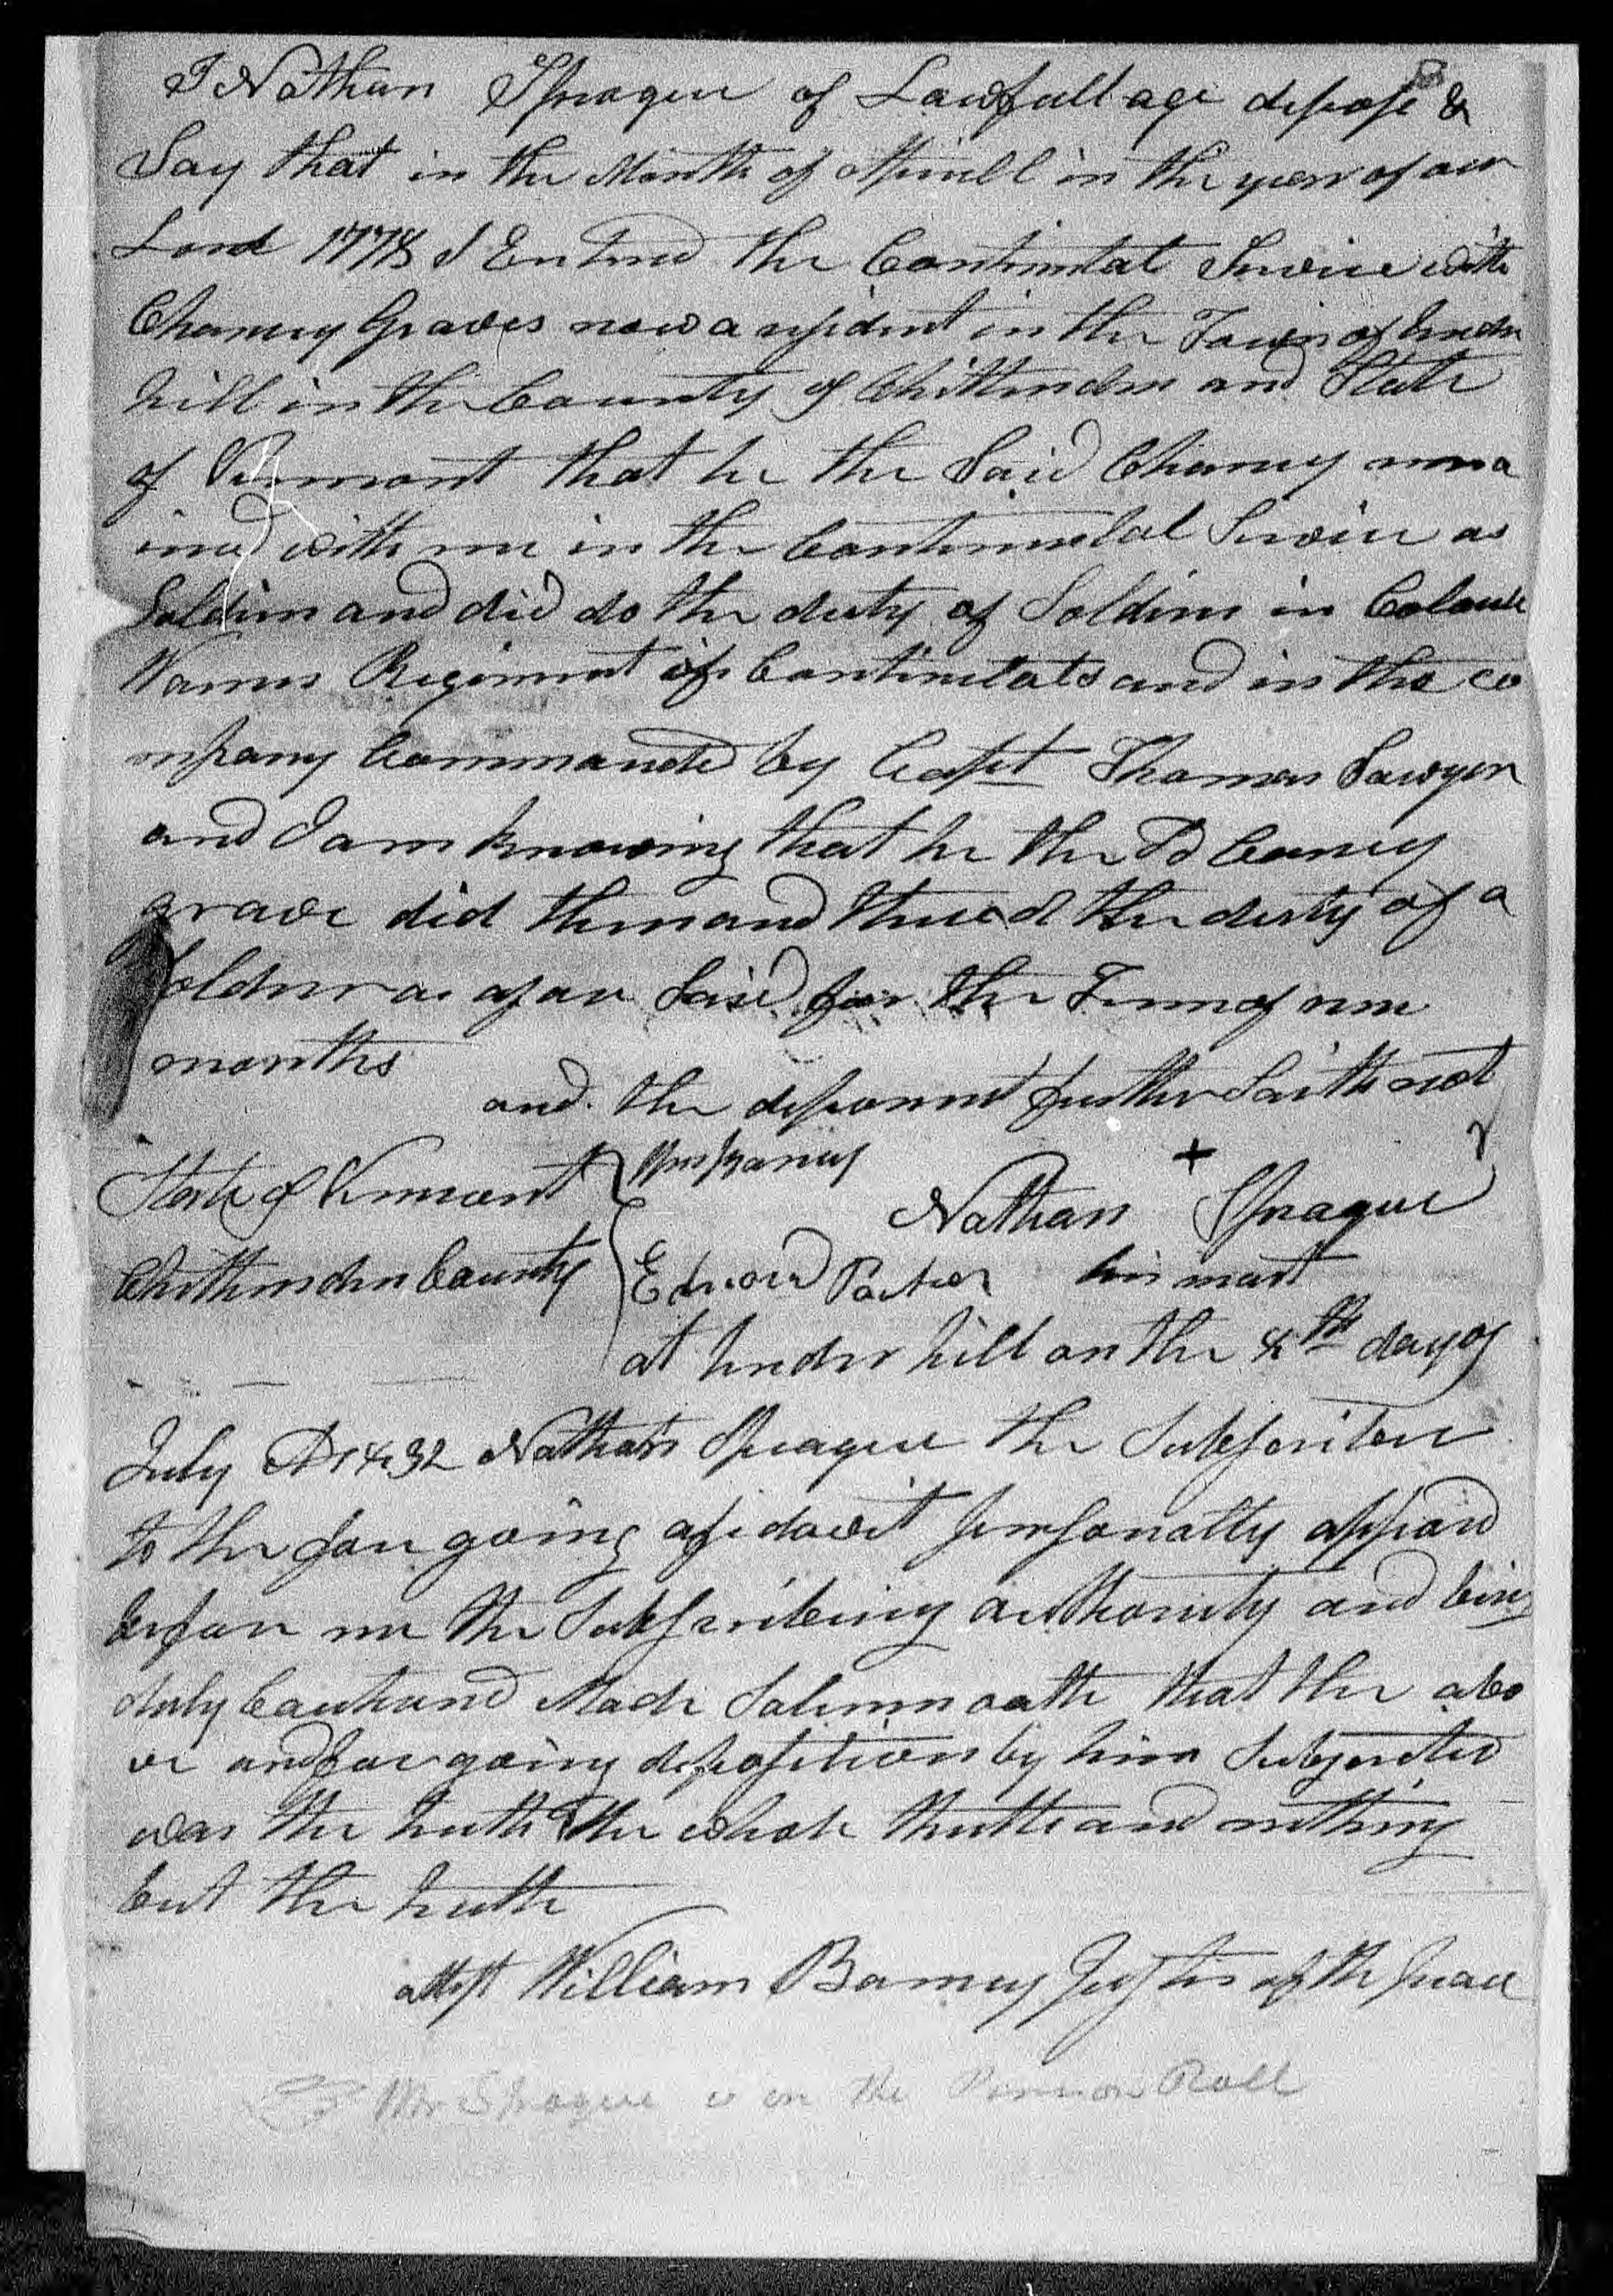I, Nathan Sprague of Lawfull [sic] age deposed
say that in the month of aprill [sic] in the year of our
Lord 1778 I entered the Continental service with
Chauncy Graves now resident in the Town of Underhill in the County of Chittenden and State of
Vermont that he the said Chauncy [illegible]
with me in the Continental Service as
Soldier and did do the duty of Soldier in Colonel 
Warms Regiment of continentals and in the Company commanded by Captain Thomas Sawyer
and I am knowing that he the lsaid Chauncy
Graves did then and thereof the duty of a soldier 
as aforesaid for the Term of nine 
months and the deponent further Saith not
Nathan Sprague X his mark
Edward Parker X his mark
State of Vermont Wm Banns
Chittenden County
at Underhill on the 8th day of
July AD 1832 Nathan Sprague the subscriber
to the forgoing affidavit personally appeared
before me the subscribing authority and being
duly Cautioned made Solemn oath that the above
and forgoing deposition by him [illegible]
was the truth the whole truth and nothing
but the truth
Attest William Barney Justice of the peace
Mr. Sprague is on the Pension Roll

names: Sprague, Chancey Graves, Wm Barny, William Barney, Nathan Sprague, Nathan Sprague, Chancy, Edward Parker, Thomas Sawyer, Nathan Sprague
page: 23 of 24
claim: survivor's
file: S. 15869, Chauncey Graves, Vt.